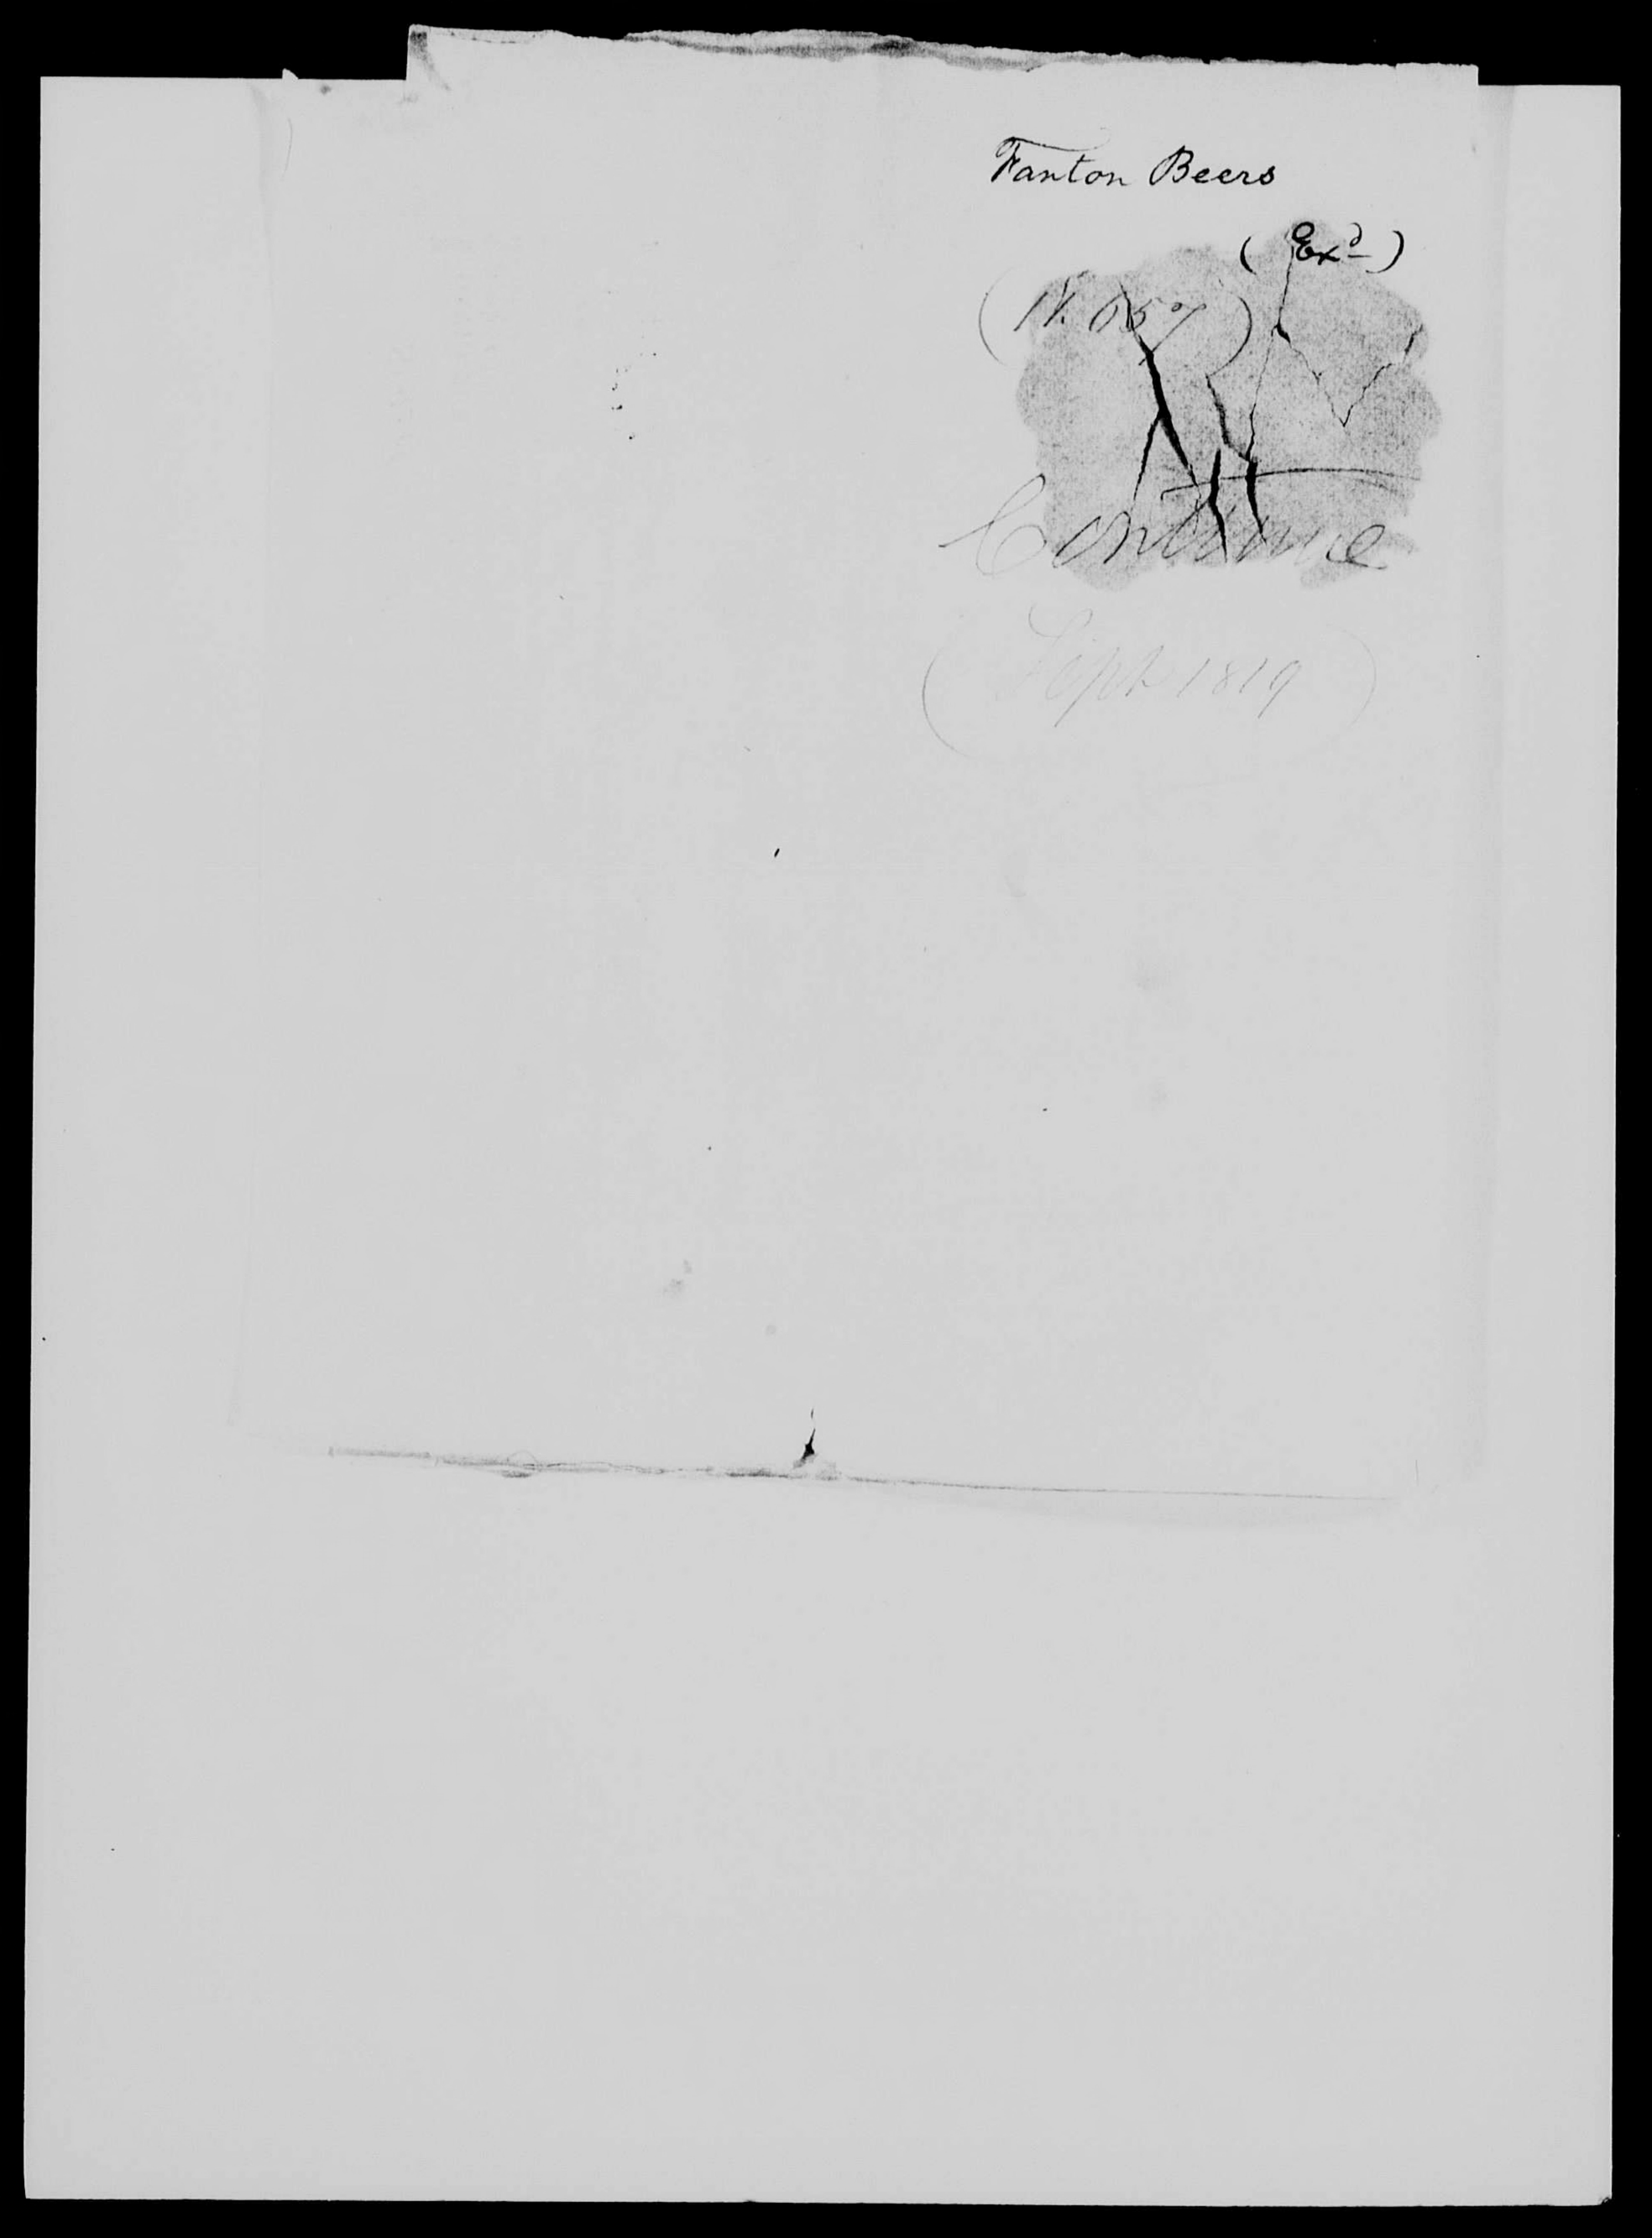Fanton Beers 
              (Ex'd)

11.657

Continue
(Sept. 1819)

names: Fanton Beers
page: 21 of 23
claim: survivor's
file: S. 37,750, Fanton Beers, Conn.